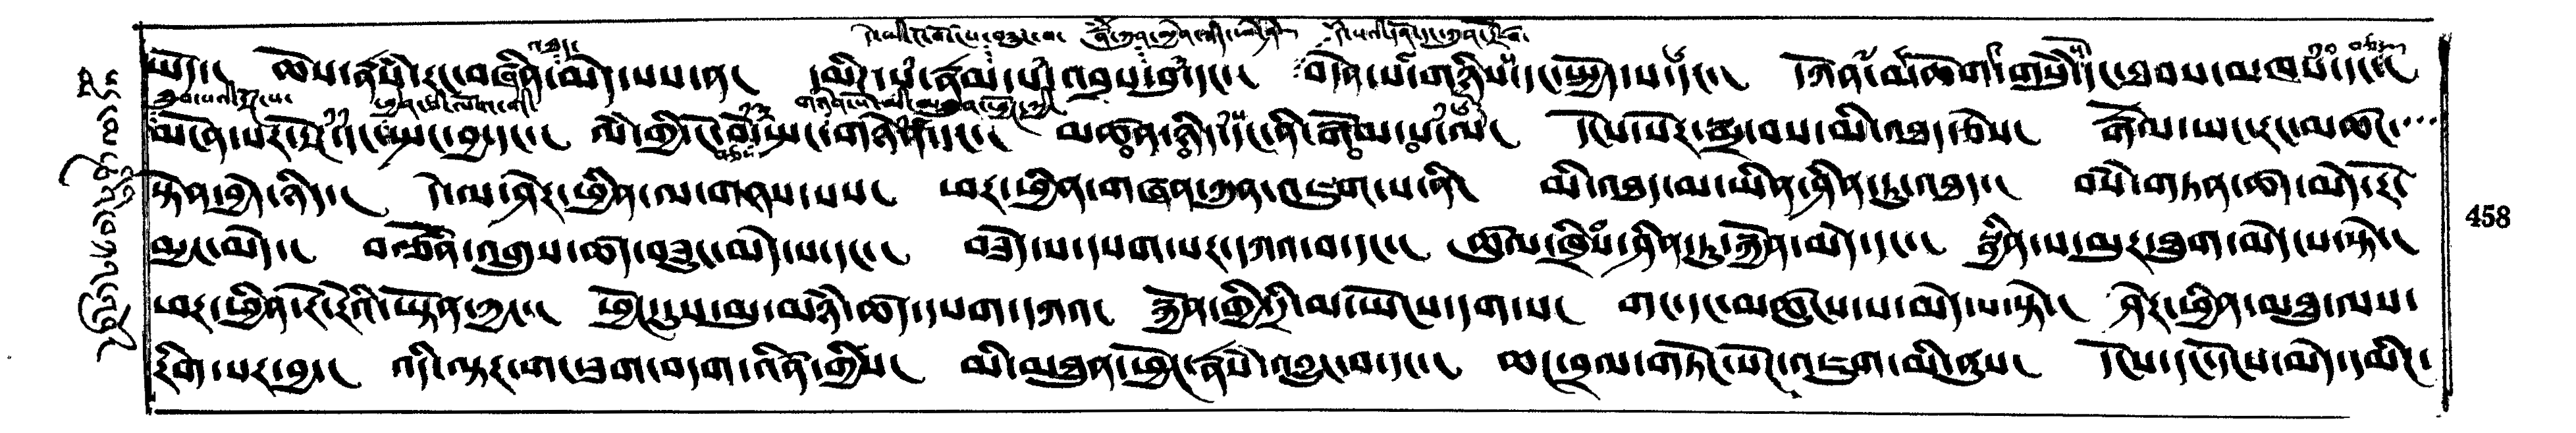ཡོད། །ཆོས་རྣམས་རང་བཞིན་འཐད་མེད་པས་ན། །དམིགས་པ་རྣམ་དེ་ཡི་ངོ་བོ་ངོས་བཟུང་བ་པ་འབྲས་རྣམ་ཀུན་མཁྱེན་ཉིད་ཡེ་ཤེས་བུ་དང་།། དམ་པའི་དོན་དང་ཀུན་རྫོབ་བདེན་པ་གཉིས་དང་སྤྱོད་པ་དང་། །དཀོན་མཆོག་གསུམ་པོ་དང་ཐབས་མཁས་དང་།། 
ཐུབ་པའི་རྟོགས་པ་མངོན་པར་རྟོགས་དང་ཕྱིན་ཅི་ལོག་གི་སྤང་བྱ་དང་། །ལམ་གྱི་ངོ་བོ་བཅས་སྤང་གཉེན་པོ་མི་མཐུན་ཕྱོགས་ཀྱི་གཉེན་དང་། །མཚན་ཉིད་དང་ནི་སྒོམ་པ་ལ། །དངོས་པོར་སྨྲ་བས་མི་འཐད་ཅེས། །རྒོལ་ཡང་རང་མཚང་
སྟོན་བྱེད་ཉིད། །དེ་ལ་ཤེར་ཕྱིན་ལ་གནས་པས། །ཕར་ཕྱིན་གཞན་ཀུན་འཇུག་པ་ནི། །མི་འཐད་མ་ཡིན་ཤིན་ཏུ་འཐད། །བསམ་གཏན་ཚད་མེད་རོ་
མྱང་མཻད། །བརྩོན་འགྲུས་ཚད་བཟུང་མེད་པ་དང་། །བཟོད་པ་དཔག་པར་དཀའ་བ་དང་། །ཚུལ་ཁྲིམས་ཤིན་ཏུ་སྐྱོན་མེད་དང་། །སྦྱིན་པ་མུར་ཐུག་མེད་པ་སྟེ། །
ཕར་ཕྱིན་རེ་རེའི་ཡོན་ཏན་ཀྱང་། །ཕྱོགས་དུས་མུ་མཉམ་ཚད་དཔག་དཀའ། །སྐྱོན་གྱི་དྲི་མ་ཡོངས་དག་པ། །གང་དང་མཚུངས་པ་མཻད་པ་སྟེ། །ཤེར་ཕྱིན་མཐུ་ལས་
རིག་པར་བྱ། །འདི་ལྟར་གང་ཟག་བདག་འཛིན་གྱིས། །མི་མཐུན་ཕྱོགས་རྣམས་འབྱུང་བ་དང་། །ཆགས་བྲལ་གཏོང་སོགས་འཇུག་མི་ནུས། །དངོས་དང་དངོས་མེད་དམིགས་